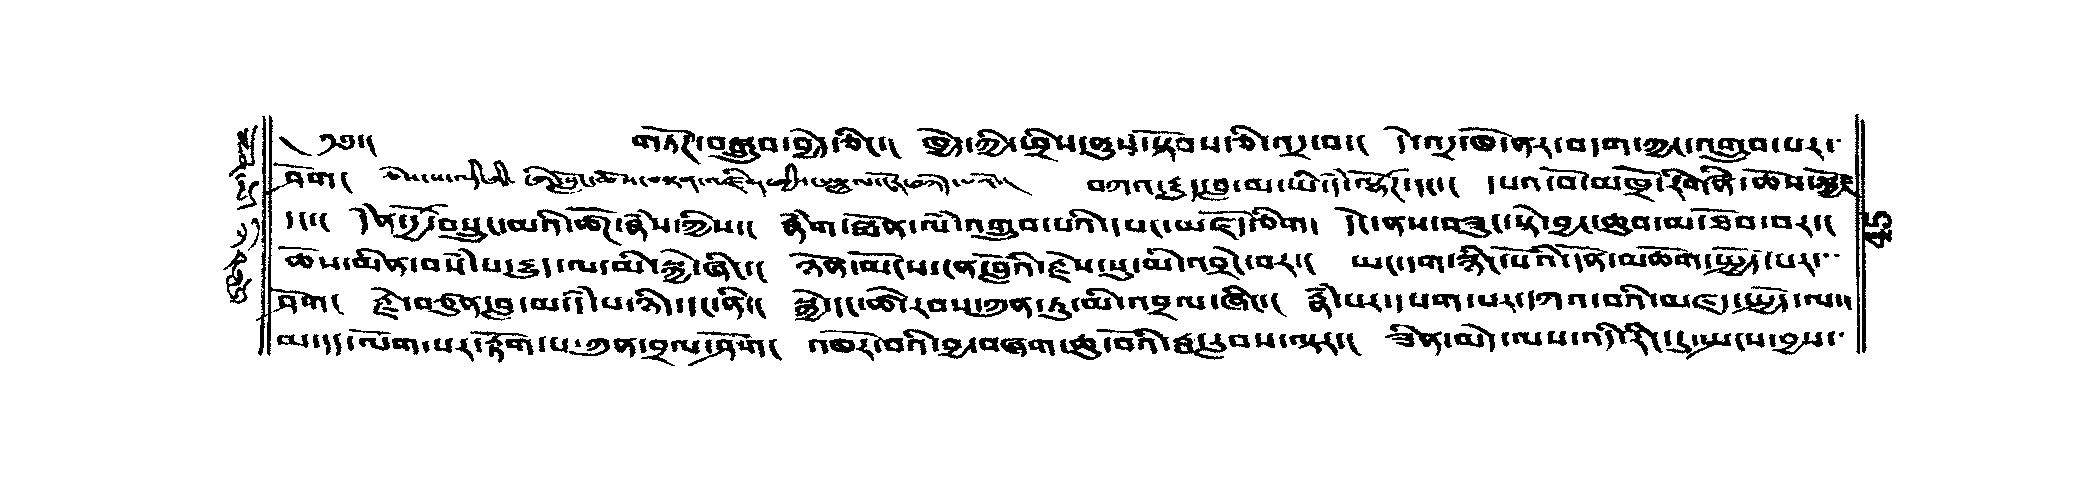ཏོག་བསྒྲུབ་བྱེད་ཅིང་། །ཁྱོད་ཀྱི་ཕྲིན་ལས་ནུས་སྟོབས་ཅི་འདྲ་བ། །དེ་འདྲ་ཁོ་ནར་བདག་ཀྱང་འགྲུབ་པར་
ཤོག ཅེས་པ་འདི་ནི་དགེ་སློང་ཆོས་བསྟན་འཛིན་གྱིས་བསྐུལ་ངོར་བཀོད་པའོ།། བཀའ་རྒྱུད་བླ་མ་ཡི་དམ་ལྷ་ཚོགས་དང་། །དཔའ་བོ་མཁའ་འགྲོ་རིག་འཛིན་ཆོས་སྐྱོང་
དང་། །དམ་ཅན་རྒྱ་མཚོ་སྲུང་མའི་ཚོགས་རྣམས་ཀྱི། །རྣམ་དག་སྨོན་ལམ་འགྲུབ་པའི་དཔང་མཛོད་ཅིག །དེང་ནས་བཟུང་སྟེ་བྱང་ཆུབ་མ་ཐོབ་བར། །
ཆོས་མིན་བསམ་པ་རྒྱུད་ལ་མི་སྐྱེ་ཞིང་། །ཉོན་མོངས་ངན་བློའི་རྗེས་སུ་མི་འབྲེང་བར། །ཡང་དག་སྙིང་པོའི་དོན་མཆོག་སྤྱོད་པར་
ཤོག །རྗེ་བཙུན་བླ་མ་དམ་པ་ཉིད་དང་ནི། །སྐྱེ་དང་ཚེ་རབས་ཀུན་ཏུ་མི་འབྲལ་ཞིང་། །རྣམ་པར་དཔག་པར་དཀའ་བའི་མཛད་སྤྱོད་ལ། །
མ་དད་ལོག་པར་རྟོག་པ་ཀུན་བྲལ་ཤོག །འཁོར་བའི་བྱ་བཞག་ཆུ་བོའི་རྦ་རླབས་ལྟར། །ཟིན་མེད་ལས་འདི་རིང་དུ་སྤངས་བྱས་